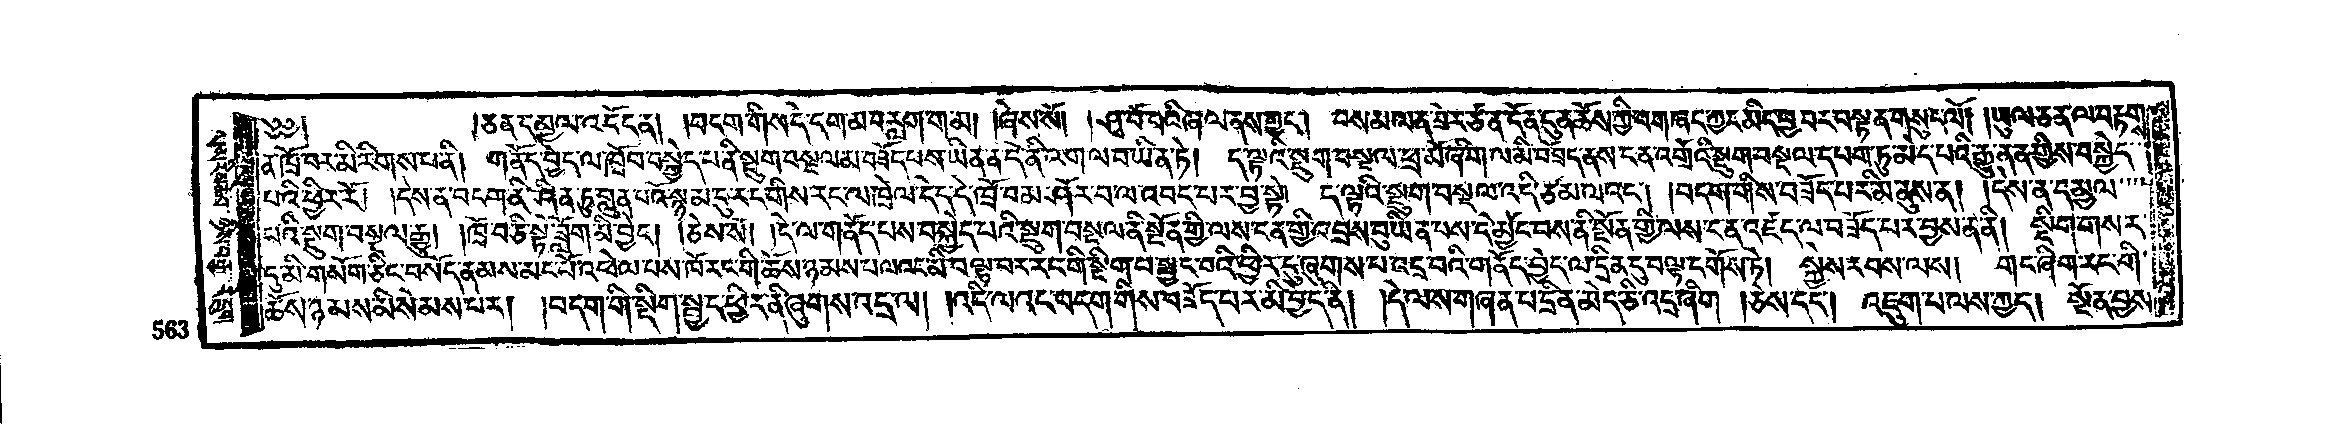༄༅། །ཅན་དམྱལ་འདོང་ན། །བདག་གིས་དེ་དག་མ་བརླག་གམ། །ཞེས་སོ། །ཤྭ་བོ་བའི་ཞལ་ནས་ཀྱང་། ངས་མ་ལན་ཟེར་ཙན་དོན་དུ་ན་ཆོས་ཀྱི་བག་ཞད་ཀྱང་མེད་བྱ་བར་བསྟན་གསུང་ལོ། །ཡུལ་ཅན་ལ་བརྟགས་
ན་ཁྲོ་བར་མི་རིགས་པ་ནི། གནོད་བྱེད་ལ་ཁྲོ་བ་བསྐྱེད་པ་ནི་སྡུག་བསྔལ་མ་བཟོད་པས་ཡིན་ན་དེ་ནི་འགལ་བ་ཡིན་ཏེ། ད་ལྟའི་སྡུག་བསྔལ་ཕྲ་མོ་ཞིག་ལ་མི་བཟོད་ནས་ངན་འགྲོའི་སྡུག་བསྔལ་དཔག་ཏུ་མེད་པའི་རྒྱུ་ནན་གྱིས་བསྐྱེད་
པའི་ཕྱིར་རོ། །དེས་ན་བདག་ནི་ཤིན་ཏུ་བླུན་པའོ་སྙམ་དུ་རང་གིས་རང་ལ་ཁྲེལ་དེད་དེ་ཁྲོ་བ་མ་ཤོར་བ་ལ་འྤད་པར་བྱ་སྟེ། ད་ལྟའི་སྡུག་བསྔལ་འདི་ཙམ་ལའང་། །བདག་གིས་བཟོད་པར་མི་ནུས་ན། །དེས་ན་དམྱལ་
བའི་སྡུག་བསྔལ་རྒྱུ། །ཁྲོ་བ་ཅི་སྟེ་ཟློག་མི་བྱེད། །ཅེས་སོ། །དེ་ལ་གནོད་པས་བསྐྱེད་པའི་སྡུག་བསྔལ་ནི་སྔོན་གྱི་ལས་ངན་གྱི་འབྲས་བུ་ཡིན་པས་དེ་མྱོང་བས་ནི་སྔོན་གྱི་ལས་ངན་འཛད་ལ་བཟོད་པར་བྱས་ན་ནི། སྡིག་གསར་
དུ་མི་གསོག་ཅིང་བསོད་ནམས་མང་པོ་འཕེལ་བས་ཁོ་རང་གི་ཆོས་ཉམས་པ་ལའང་མི་བལྟ་བར་རང་གི་སྡིག་པ་སྦྱང་བའི་ཕྱིར་དུ་ཞུགས་པ་འདྲ་བའི་གནོད་བྱེད་ལ་དྲིན་དུ་བལྟ་དགོས་ཏེ། སྐྱེས་རབས་ལས། གང་ཞིག་རང་གི་
ཆོས་ཉམས་མི་སེམས་པར། །བདག་གི་སྡིག་སྦྱང་ཕྱིར་ནི་ཞུགས་འདྲ་ལ། །འདི་ལའང་བདག་གིས་བཟོད་པར་མི་བྱེད་ན། །དེ་ལས་གཞན་པ་དྲིན་མེད་ཅི་འདྲ་ཞིག །ཅེས་དང་། འཇུག་པ་ལས་ཀྱང་། སྔོན་བྱས་